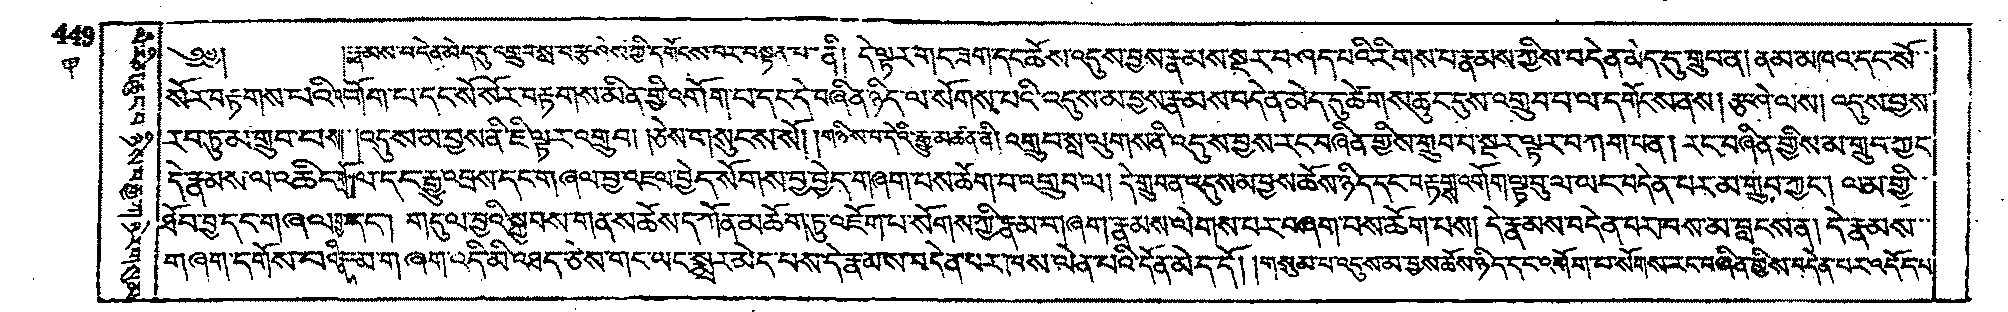༄༅། །རྣམས་བདེན་མེད་དུ་འགྲུབ་སླ་བ་རྩ་ཤེས་ཀྱི་དགོངས་པར་བསྟན་པ་ནི། དེ་ལྟར་གང་ཟག་དང་ཆོས་འདུས་བྱས་རྣམས་སྔར་བཤད་པའི་རིགས་པ་རྣམས་ཀྱིས་བདེན་མེད་དུ་གྲུབ་ན། ནམ་མཁའ་དང་སོ་
སོར་བརྟགས་པའི་འགོག་པ་དང་སོ་སོར་བརྟགས་མིན་གྱི་འགོག་པ་དང་དེ་བཞིན་ཉིད་ལ་སོགས་པའི་འདུས་མ་བྱས་རྣམས་བདེན་མེད་དུ་ཚེགས་ཆུང་ངུས་འགྲུབ་པ་ལ་དགོངས་ནས། རྩ་ཤེ་ལས། འདུས་བྱས་
རབ་ཏུ་མ་གྲུབ་པས། །འདུས་མ་བྱས་ནི་ཇི་ལྟར་འགྲུབ། །ཅེས་གསུངས་སོ། །གཉིས་པ་དེའི་རྒྱུ་མཚན་ནི།  འགྲུབ་སླ་ལུགས་ནི་འདུས་བྱས་རང་བཞིན་གྱིས་གྲུབ་པ་སྔར་ལྟར་བཀག་པ་ན། རང་བཞིན་གྱིས་མ་གྲུབ་ཀྱང་
དེ་རྣམས་ལ་འཆིང་གྲོལ་དང་རྒྱུ་འབྲས་དང་གཞལ་བྱ་འཇལ་བྱེད་སོགས་བྱ་བྱེད་གཞག་པས་ཆོག་པ་འགྲུབ་ལ། དེ་གྲུབ་ན་འདུས་མ་བྱས་ཆོས་ཉིད་དང་བརྟགས་འགོག་ལྟ་བུ་ལ་ཡང་བདེན་པར་མ་གྲུབ་ཀྱང་། ལམ་གྱི་
ཐོབ་བྱ་དང་གཞལ་བྱ་དང་། གདུལ་བྱའི་སྐྱབས་གནས་ཆོས་དཀོན་མཆོག་ཏུ་འཇོག་པ་སོགས་ཀྱི་རྣམ་གཞག་རྣམས་ལེགས་པར་བཞག་པས་ཆོག་པས། དེ་རྣམས་བདེན་པར་ཁས་མ་བླངས་ན། དེ་རྣམས་
གཞག་དགོས་པའི་རྣམ་གཞག་འདི་མི་འཐད་ཅེས་གང་ཡང་སྨྲར་མེད་པས་དེ་རྣམས་བདེན་པར་ཁས་ལེན་པའི་དོན་མེད་དོ། །གསུམ་པ་འདུས་མ་བྱས་ཆོས་ཉིད་དང་འགོག་པ་སོགས་རང་བཞིན་གྱིས་བདེན་པར་འདོད་པ་